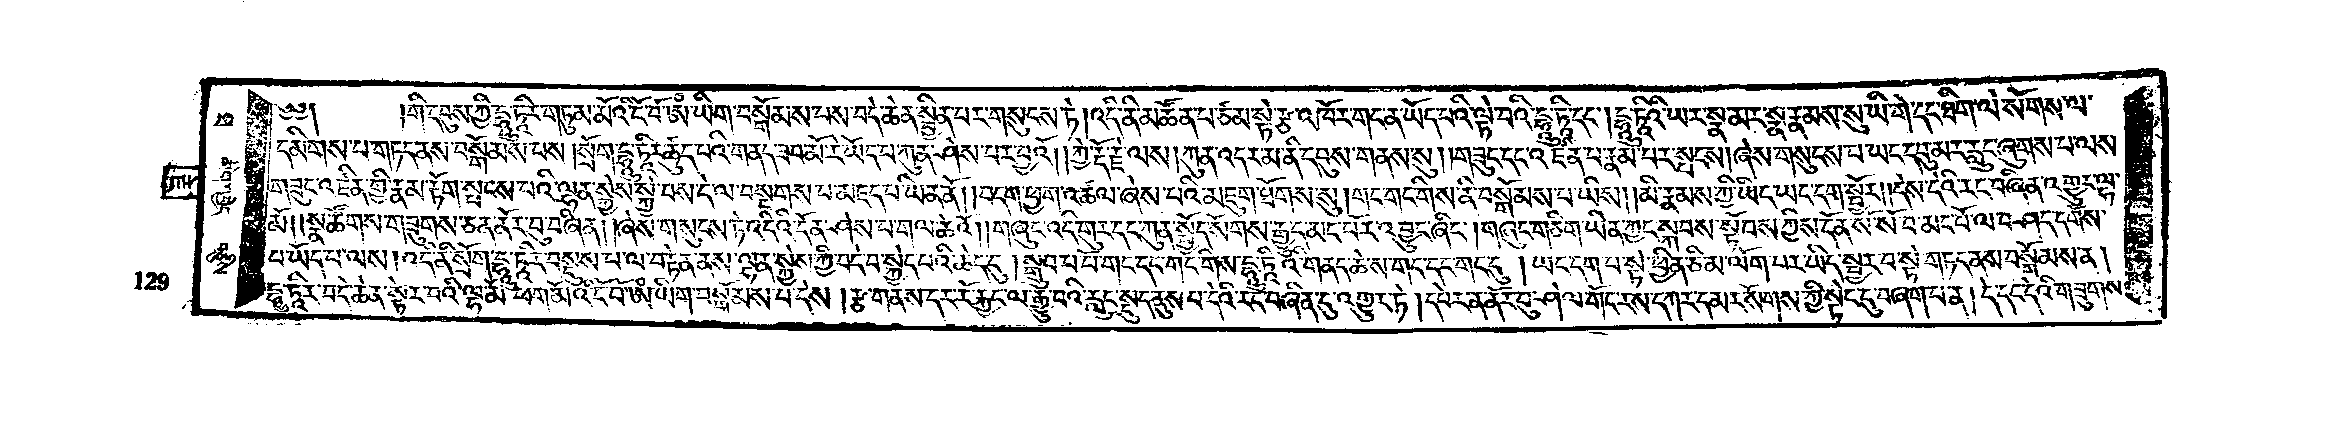༄༅། །གི་དབུས་ཀྱི་དྷཱུ་ཏཱིར་གཏུམ་མོའི་ངོ་བོ་ཨཾ་ཡིག་བསྒོམས་པས་བདེ་ཆེན་སྦྱིན་པར་གསུངས་ཏེ། འདི་ནི་མཚོན་པ་ཙམ་སྟེ་རྩ་འཁོར་གང་ན་ཡོད་པའི་ལྟེ་བའི་དྷཱུ་ཏཱི་དང་། དྷཱུ་ཏཱིའི་ཡར་སྣ་མར་སྣ་རྣམས་སུ་ཡི་གེ་དང་ཐིག་ལེ་སོགས་ལ་
དམིགས་པ་གཏད་ནས་བསྒོམས་པས། སྲོག་དྷཱུ་ཏཱིར་ཚུད་པའི་གནད་ཟབ་མོ་རེ་ཡོད་པ་ཀུན་ཤེས་པར་བྱའོ། །ཀྱེ་རྡོ་རྗེ་ལས། ཀུན་འདར་མ་ནི་དབུས་གནས་སུ། །གཟུང་དང་འཛིན་པ་རྣམ་པར་སྤངས། ཞེས་གསུངས་པ་ཡང་དབུ་མར་རླུང་ཞུགས་པ་ལས་
གཟུང་འཛིན་གྱི་རྣམ་རྟོག་སྤངས་པའི་ལྷན་སྐྱེས་སྐྱེ་བས་དེ་ལ་བསྔགས་པ་མཛད་པ་ཡིན་ནོ། །བདག་ཕྱག་འཚལ་ཞེས་པའི་མཇུག་ཐོགས་སུ། གང་གང་གིས་ནི་བསྒོམས་པ་ཡིས། །མི་རྣམས་ཀྱི་ཡིད་ཡང་དག་སྦྱོར། །དེས་དེའི་རང་བཞིན་འགྱུར་ལྷ་
མོ། །སྣ་ཚོགས་གཟུགས་ཅན་ནོར་བུ་བཞིན། །ཞེས་གསུངས་ཏེ་འདིའི་དོན་ཤེས་པ་གལ་ཆེའོ། །གཞུང་འདི་གུར་དང་ཀུན་སྤྱོད་སོགས་རྒྱུད་མང་པོར་འབྱུང་ཞིང་། གཞུང་གཅིག་ཡིན་ཀྱང་སྐབས་སྟོབས་ཀྱིས་དོན་སོ་སོ་བ་མང་པོ་ལ་བཤད་དགོས་
པ་ཡོད་པ་ལས། འདི་ནི་སྲོག་དྷཱུ་ཏཱིར་བསྡུས་པ་ལ་བརྟེན་ནས་ལྷན་སྐྱེས་ཀྱི་བདེ་བ་སྐྱེད་པའི་ཆེད་དུ། སྒྲུབ་པ་པོ་གང་དང་གང་གིས་དྷཱུ་ཏཱིའི་གནད་ཆེ་ས་གང་དང་གང་དུ། ཡང་དག་པ་སྟེ་ཕྱིན་ཅི་མ་ལོག་པར་ཡིད་སྦྱར་བ་སྟེ་གཏད་ནས་བསྒོམས་ན།
དྷཱུ་ཏཱིར་བདེ་ཆེན་སྟེར་བའི་ལྷ་མོ་ཕག་མོའི་ངོ་བོ་ཨཾ་ཡིག་བསྒོམས་པ་དེས། རྩ་གནས་དང་རོ་རྐྱང་ལ་རྒྱུ་བའི་རླུང་སྡུད་ནུས་པ་དེའི་རང་བཞིན་དུ་འགྱུར་ཏེ། དཔེར་ན་ནོར་བུ་ཤེལ་གོང་རས་དཀར་དམར་སོགས་ཀྱི་སྟེང་དུ་བཞག་པ་ན། དེ་དང་དེའི་གཟུགས་